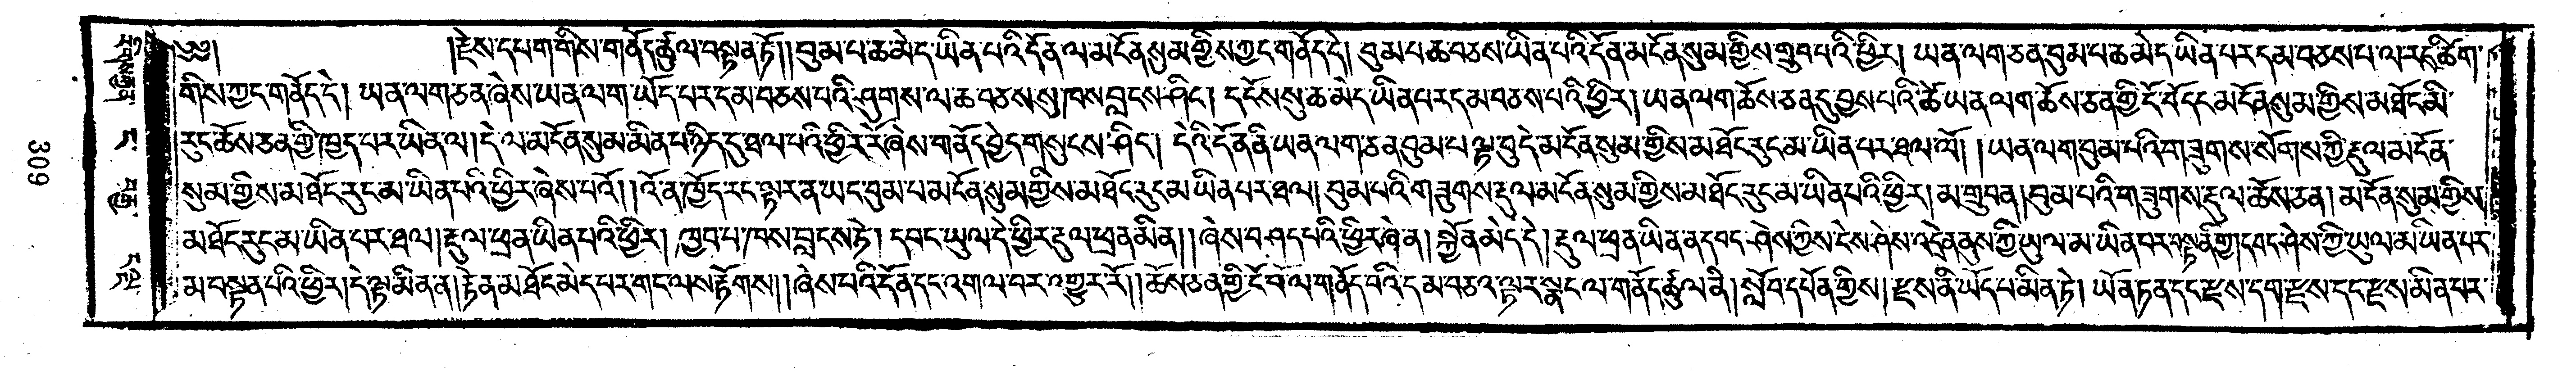༄༅། །རྗེས་དཔག་གིས་གནོད་ཚུལ་བསྟན་ཏོ། །བུམ་པ་ཆ་མེད་ཡིན་པའི་དོན་ལ་མངོན་སུམ་གྱིས་ཀྱང་གནོད་དེ། བུམ་པ་ཆ་བཅས་ཡིན་པའི་དོན་མངོན་སུམ་གྱིས་གྲུབ་པའི་ཕྱིར། ཡན་ལག་ཅན་བུམ་པ་ཆ་མེད་ཡིན་པར་དམ་བཅས་པ་ལ་རང་ཚིག་
གིས་ཀྱང་གནོད་དེ། ཡན་ལག་ཅན་ཞེས་ཡན་ལག་ཡོད་པར་དམ་བཅས་པའི་ཤུགས་ལ་ཆ་བཅས་སུ་ཁས་བླངས་ཤིང་། དངོས་སུ་ཆ་མེད་ཡིན་པར་དམ་བཅས་པའི་ཕྱིར། ཡན་ལག་ཆོས་ཅན་དུ་བྱས་པའི་ཚེ་ཡན་ལག་ཆོས་ཅན་གྱི་ངོ་བོ་དང་མངོན་སུམ་གྱིས་མཐོང་མི་
རུང་ཆོས་ཅན་གྱི་ཁྱད་པར་ཡིན་ལ། དེ་ལ་མངོན་སུམ་མིན་པ་ཉིད་དུ་ཐལ་བའི་ཕྱིར་རོ་ཞེས་གནོད་བྱེད་གསུངས་ཤིང་། དེའི་དོན་ནི་ཡན་ལག་ཅན་བུམ་པ་ལྟ་བུ་དེ་མངོན་སུམ་གྱིས་མཐོང་རུང་བ་ཡིན་པར་ཐལ་ལོ། །ཡན་ལག་བུམ་པའི་གཟུགས་སོགས་ཀྱི་རྡུལ་མངོན་
སུམ་གྱིས་མཐོང་རུང་མ་ཡིན་པའི་ཕྱིར་ཞེས་པའོ། །འོ་ན་ཁྱོད་རང་ལྟར་ན་ཡང་བུམ་པ་མངོན་སུམ་གྱིས་མཐོང་རུང་མ་ཡིན་པར་ཐལ། བུམ་པའི་གཟུགས་རྡུལ་མངོན་སུམ་གྱིས་མཐོང་རུང་མ་ཡིན་པའི་ཕྱིར། མ་གྲུབ་ན། བུམ་པའི་གཟུགས་རྡུལ་ཆོས་ཅན། མངོན་སུམ་གྱིས་
མཐོང་རུང་མ་ཡིན་པར་ཐལ། རྡུལ་ཕྲན་ཡིན་པའི་ཕྱིར། ཁྱབ་པ་ཁས་བླངས་ཏེ། དབང་ཡུལ་དེ་ཕྱིར་རྡུལ་ཕྲན་མིན། །ཞེས་བཤད་པའི་ཕྱིར་ཞེ་ན། སྐྱོན་མེད་དེ། རྡུལ་ཕྲན་ཡིན་ན་དབང་ཤེས་ཀྱིས་ངེས་ཤེས་འདྲེན་ནུས་ཀྱི་ཡུལ་མ་ཡིན་པར་བསྟན་གྱི། དབང་ཤེས་ཀྱི་ཡུལ་མ་ཡིན་པར་
མ་བསྟན་པའི་ཕྱིར། དེ་ལྟ་མིན་ན། རྟེན་མཐོང་མེད་པར་གང་ལས་རྟོགས། །ཞེས་པའི་དོན་དང་འགལ་བར་འགྱུར་རོ། །ཆོས་ཅན་གྱི་ངོ་བོ་ལ་གནོད་པའི་དམ་བཅའ་ལྟར་སྣང་ལ་གནོད་ཚུལ་ནི། སློབ་དཔོན་གྱིས། རྫས་ནི་ཡོད་པ་མིན་ཏེ། ཡོན་ཏན་དང་རྫས་དག་རྫས་དང་རྫས་མིན་པར་